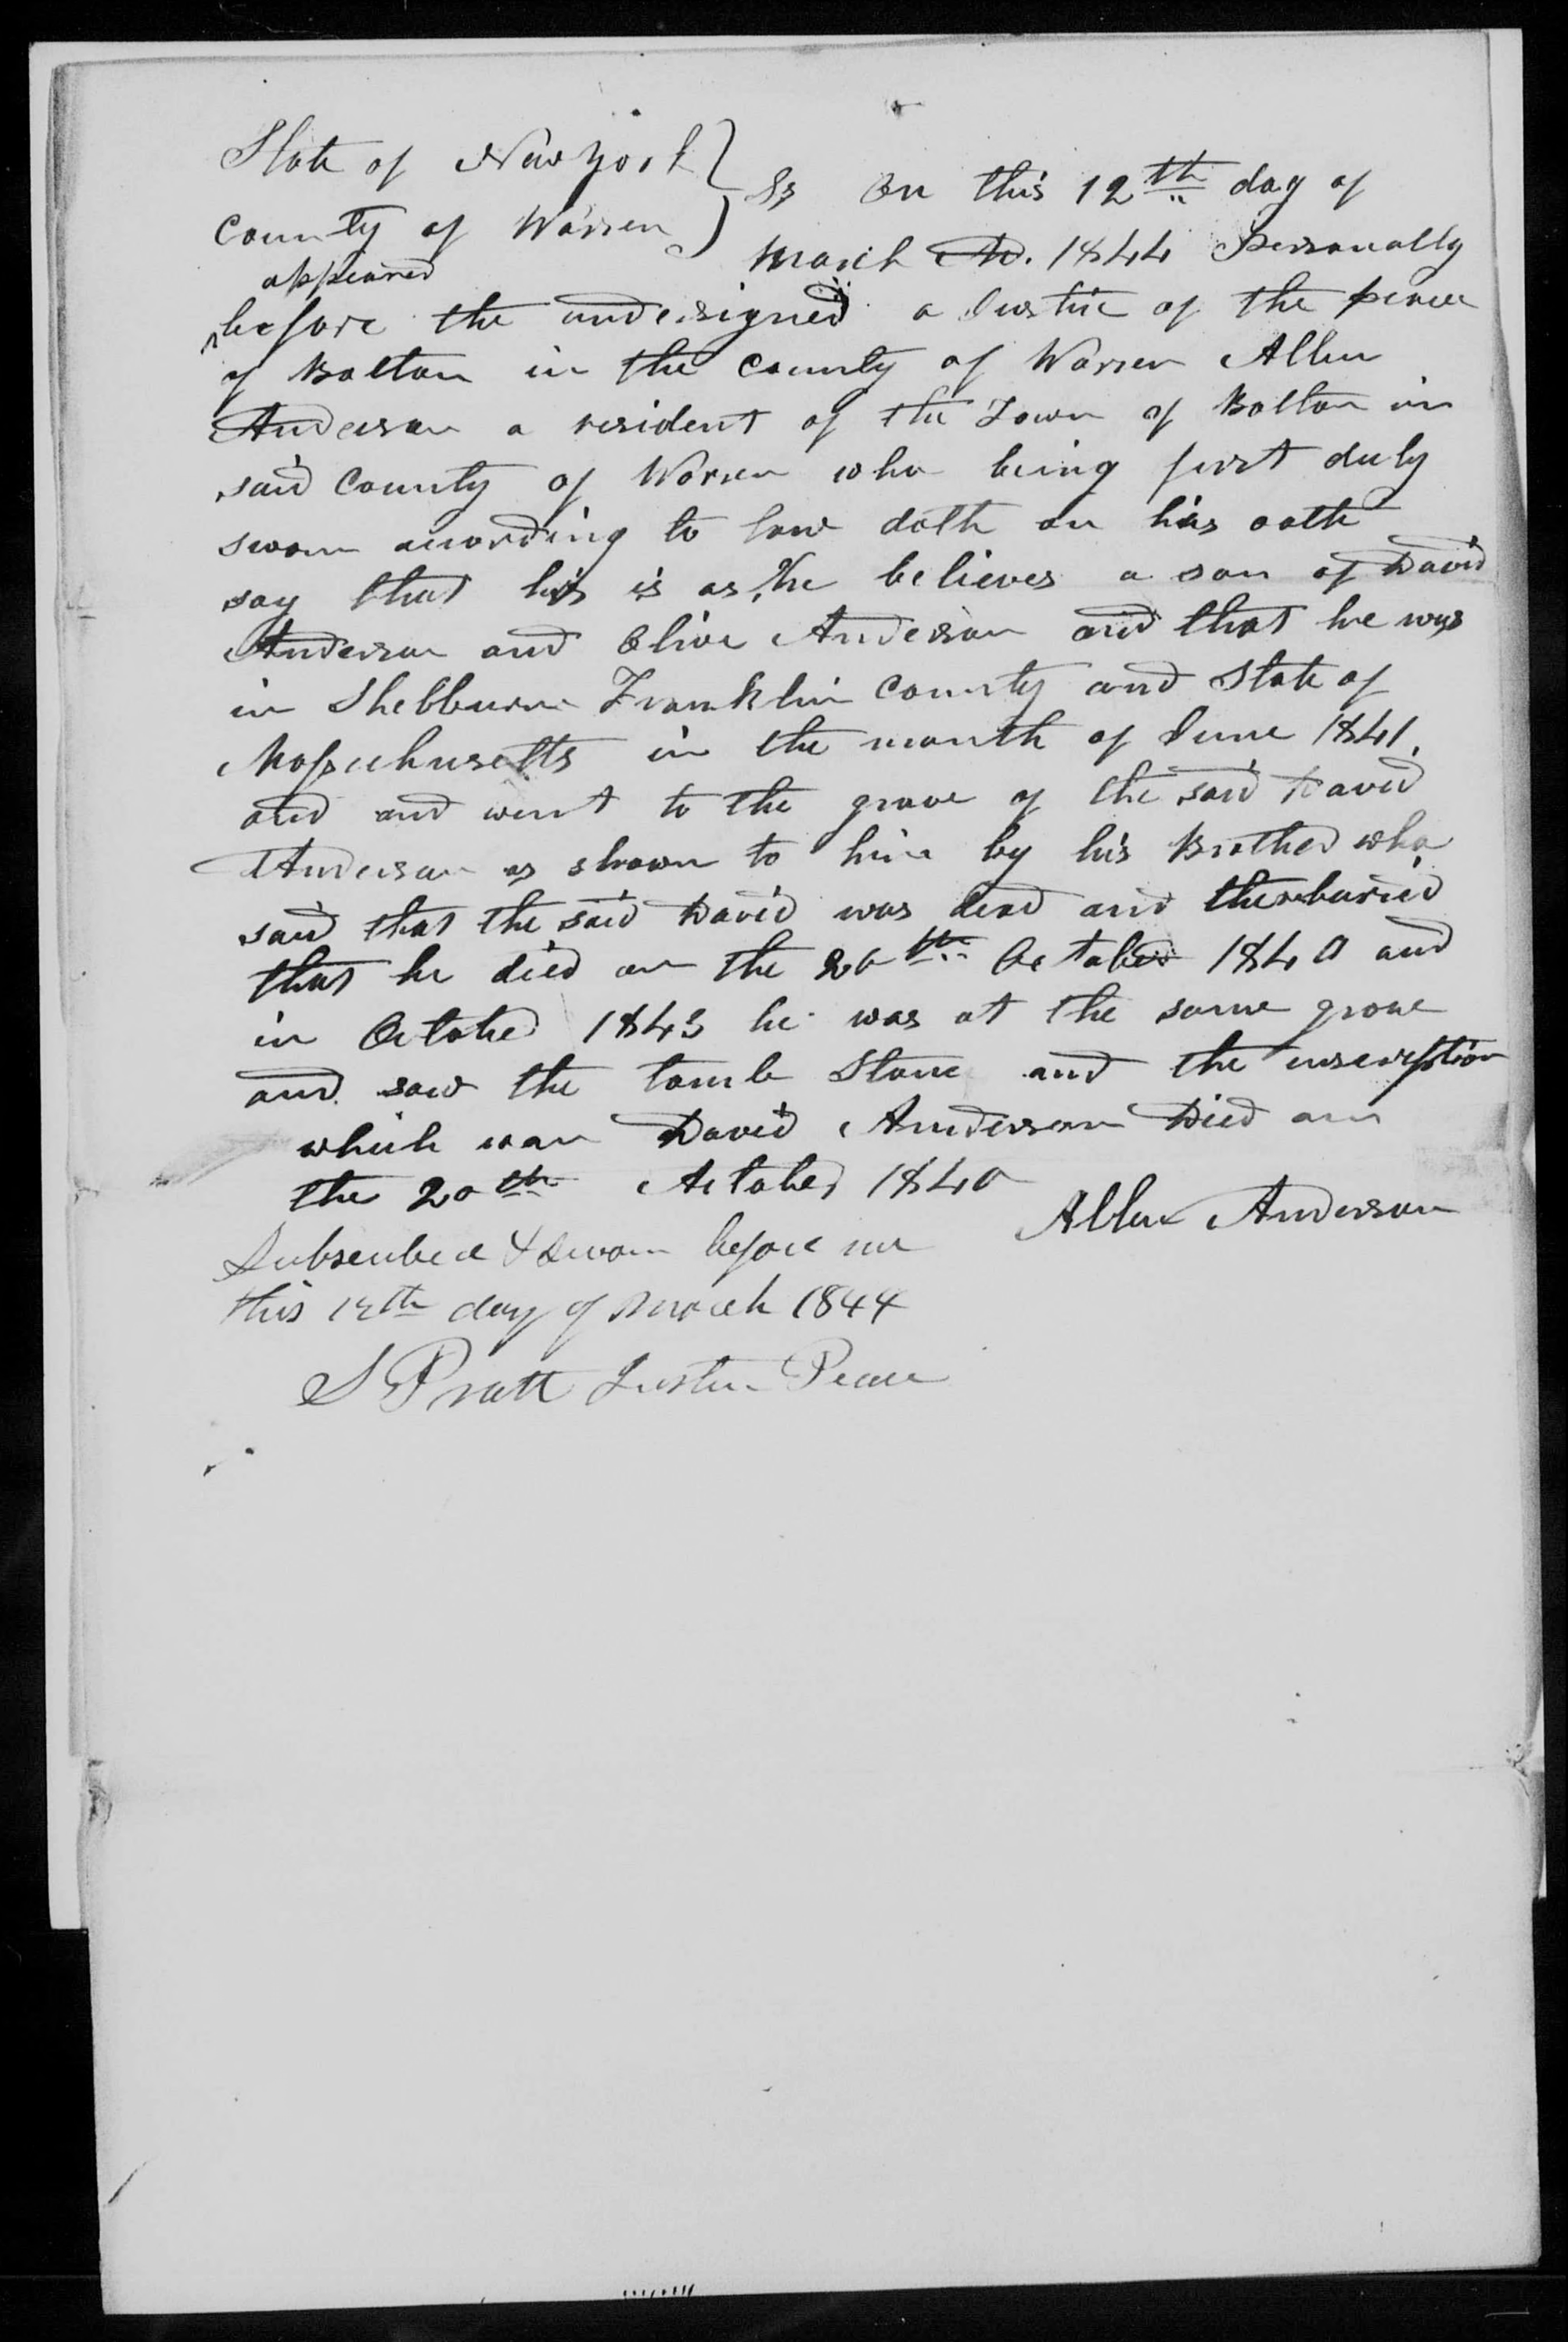State of New York
County of Warren
SS On this 12th day of
March 1844 personally 
appeared before me and signed a Justice of the Peace 
of Bolton in the county of Warren Allen
Anderson a resident of the town of Bolton in 
said county of Warren who being first duly
sworn according to me doth on his oath
say that he is as he believes a son of David
Anderson and Olive Anderson and that he was in Shelburne Franklin County and state of Massachusetts in the month of June 1841
A.D. and went to the grave of the said David Anderson as shown to him by his brother who
saw that the said David was dead and the service
that he died on the 20th October 1840 and
in October 1843 he was at the same grave
and saw the tomb stone and the inscription
which said David Anderson died on
the 20th October 1840
Allan Anderson (signature)
Subscribed and sworn before me this 17th day of March 1844
S Pratt Justice Peace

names: David Anderson, Allen Anderson, David Anderson, S Pratt, Olive Anderson, Allen Anderson, David Anderson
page: 14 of 39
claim: widow's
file: W. 20624, David Anderson, Mass